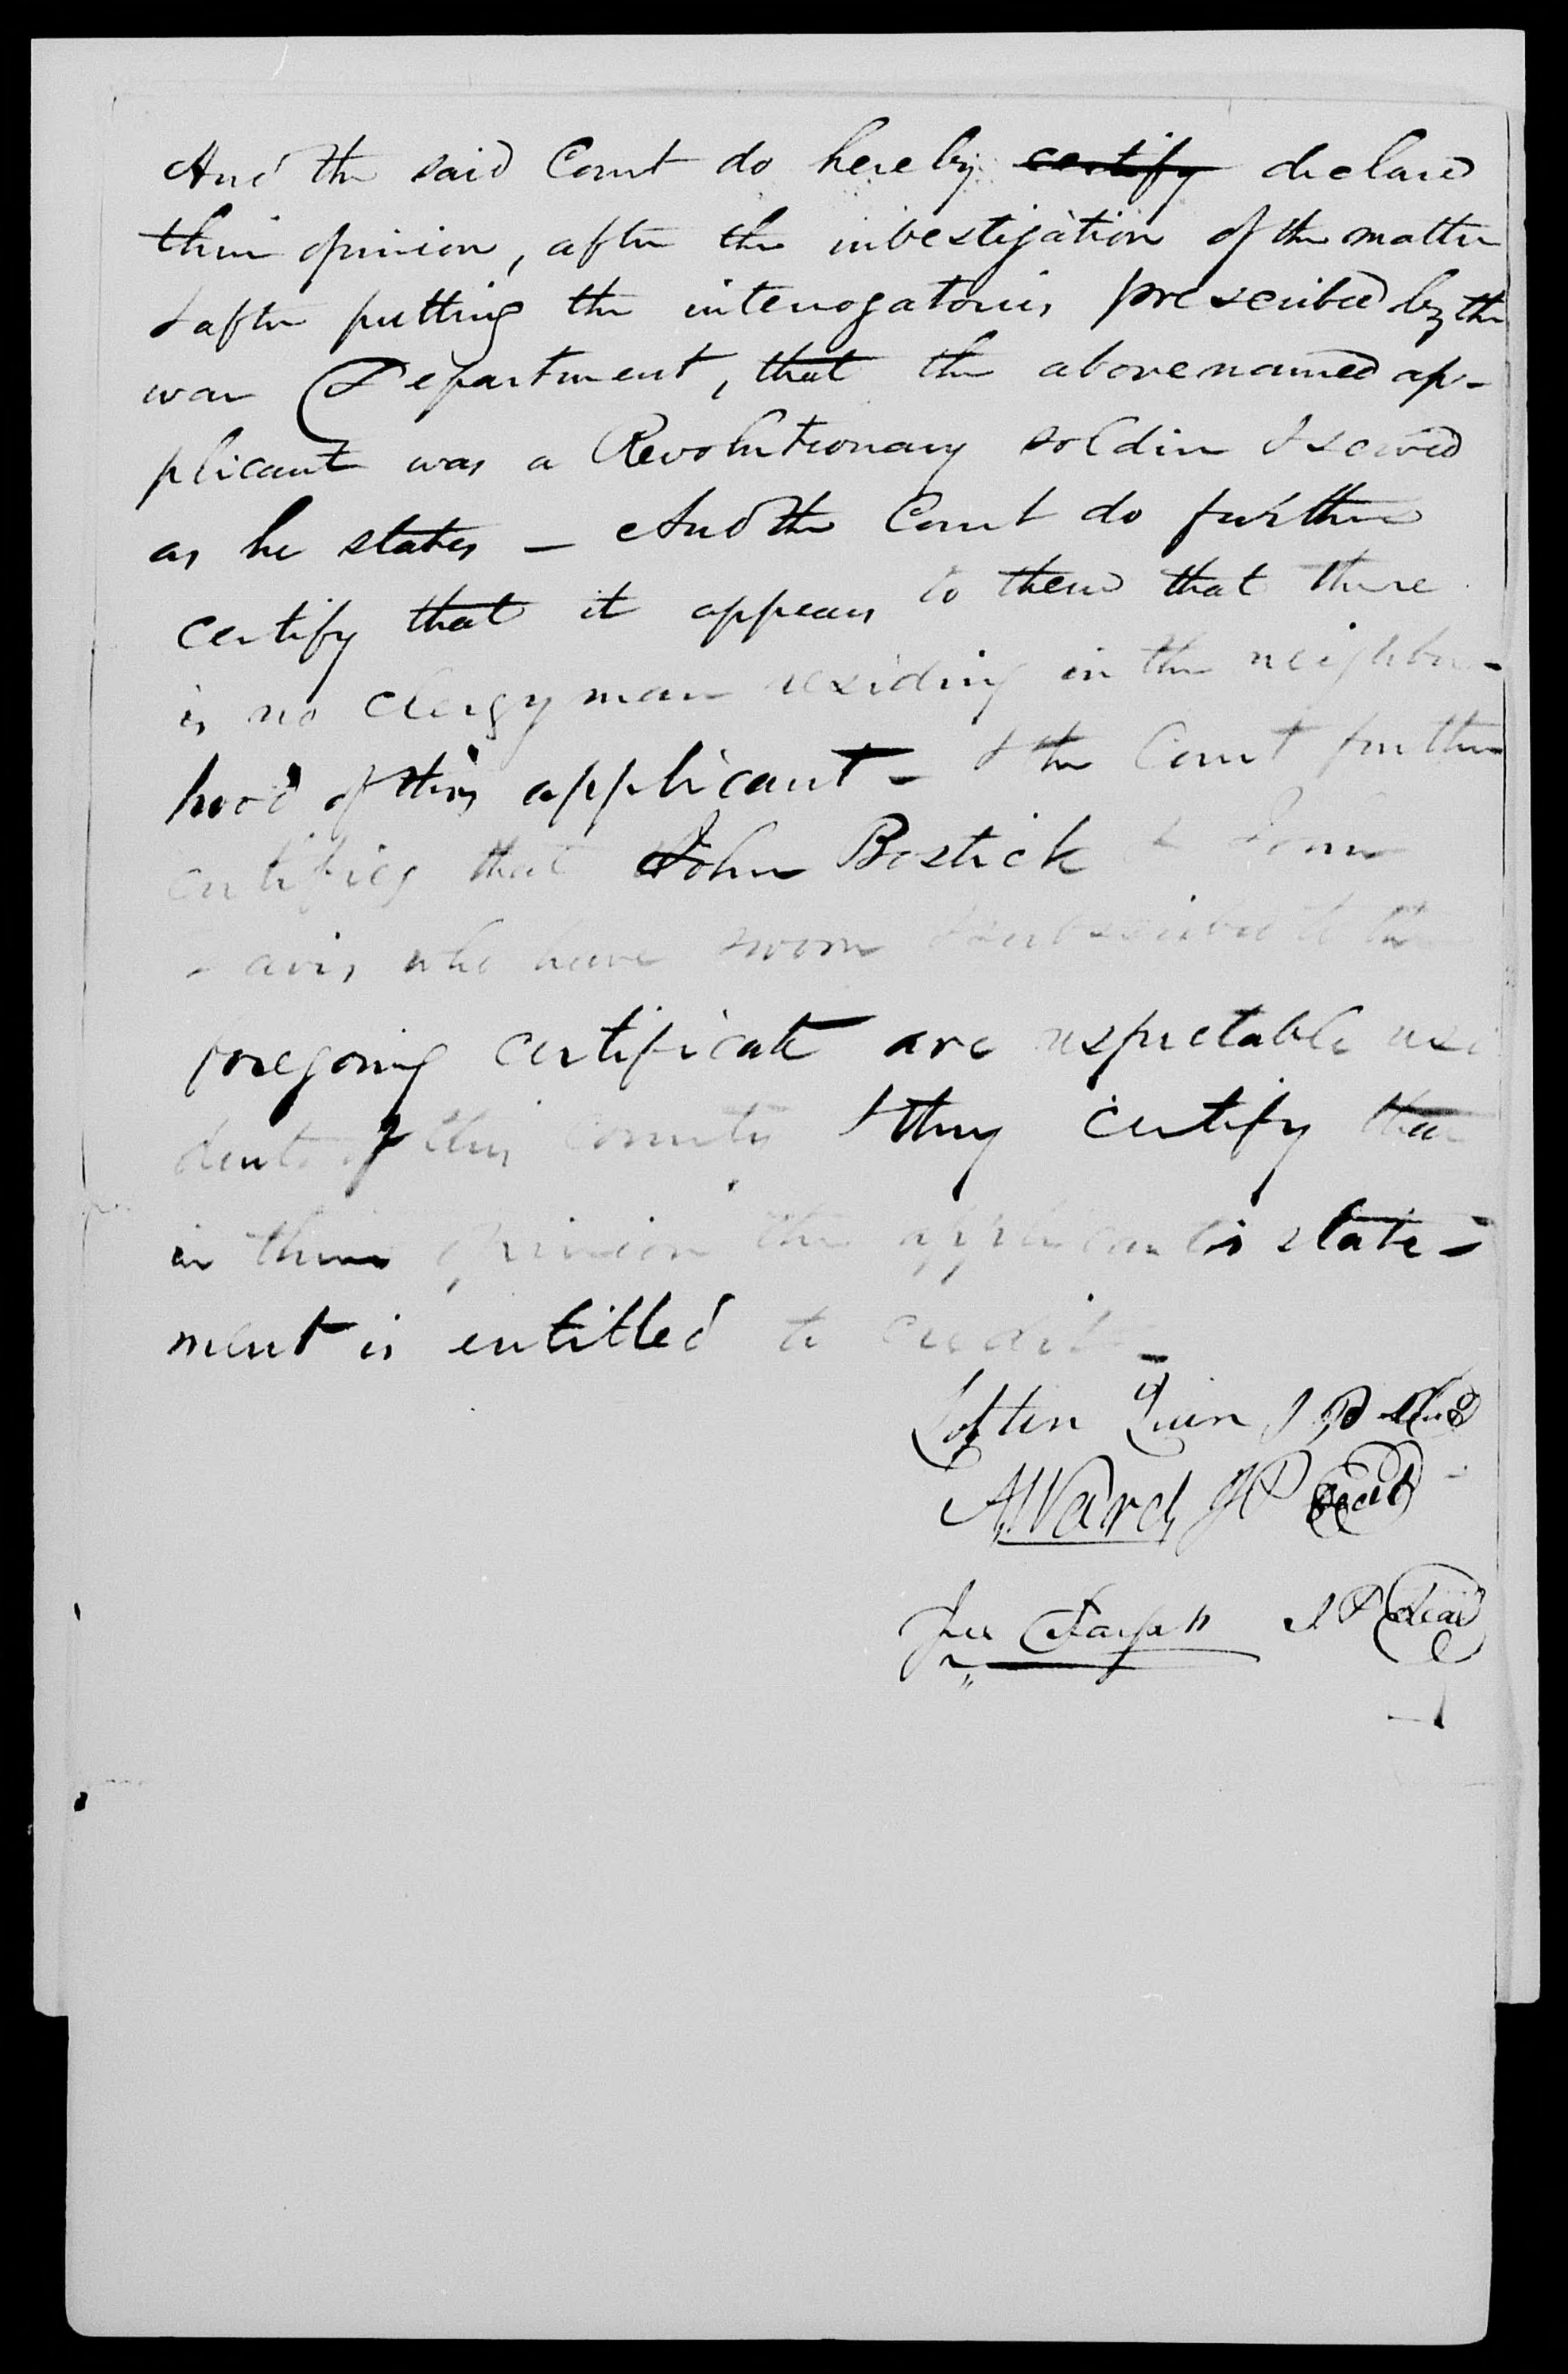And the said court do hereby [crossed out- certify] declare their opinion, after the investigation of the matter and after putting the interrogatories prescribed by the war Department, that the above named applicant was a revolutionary soldier and served as he states- And the court do further certify that it appears to them that there is no clergyman residing in the neighborhood of this applicant- and the court further certifies that John Bostick and John Davis who have sworn and subscribed to the foregoing certificate  are respectable residents of this county and they certify that in their opinion the applicants statement is entitled to credit.  Loftin Quinn JP
A Ward JP  Lee Sarsah JP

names: Loftin Quin, John Bostick, Lee Sarsah, A Ward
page: 11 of 38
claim: widow's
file: W. 5231, Hilary Brinson, N.C.